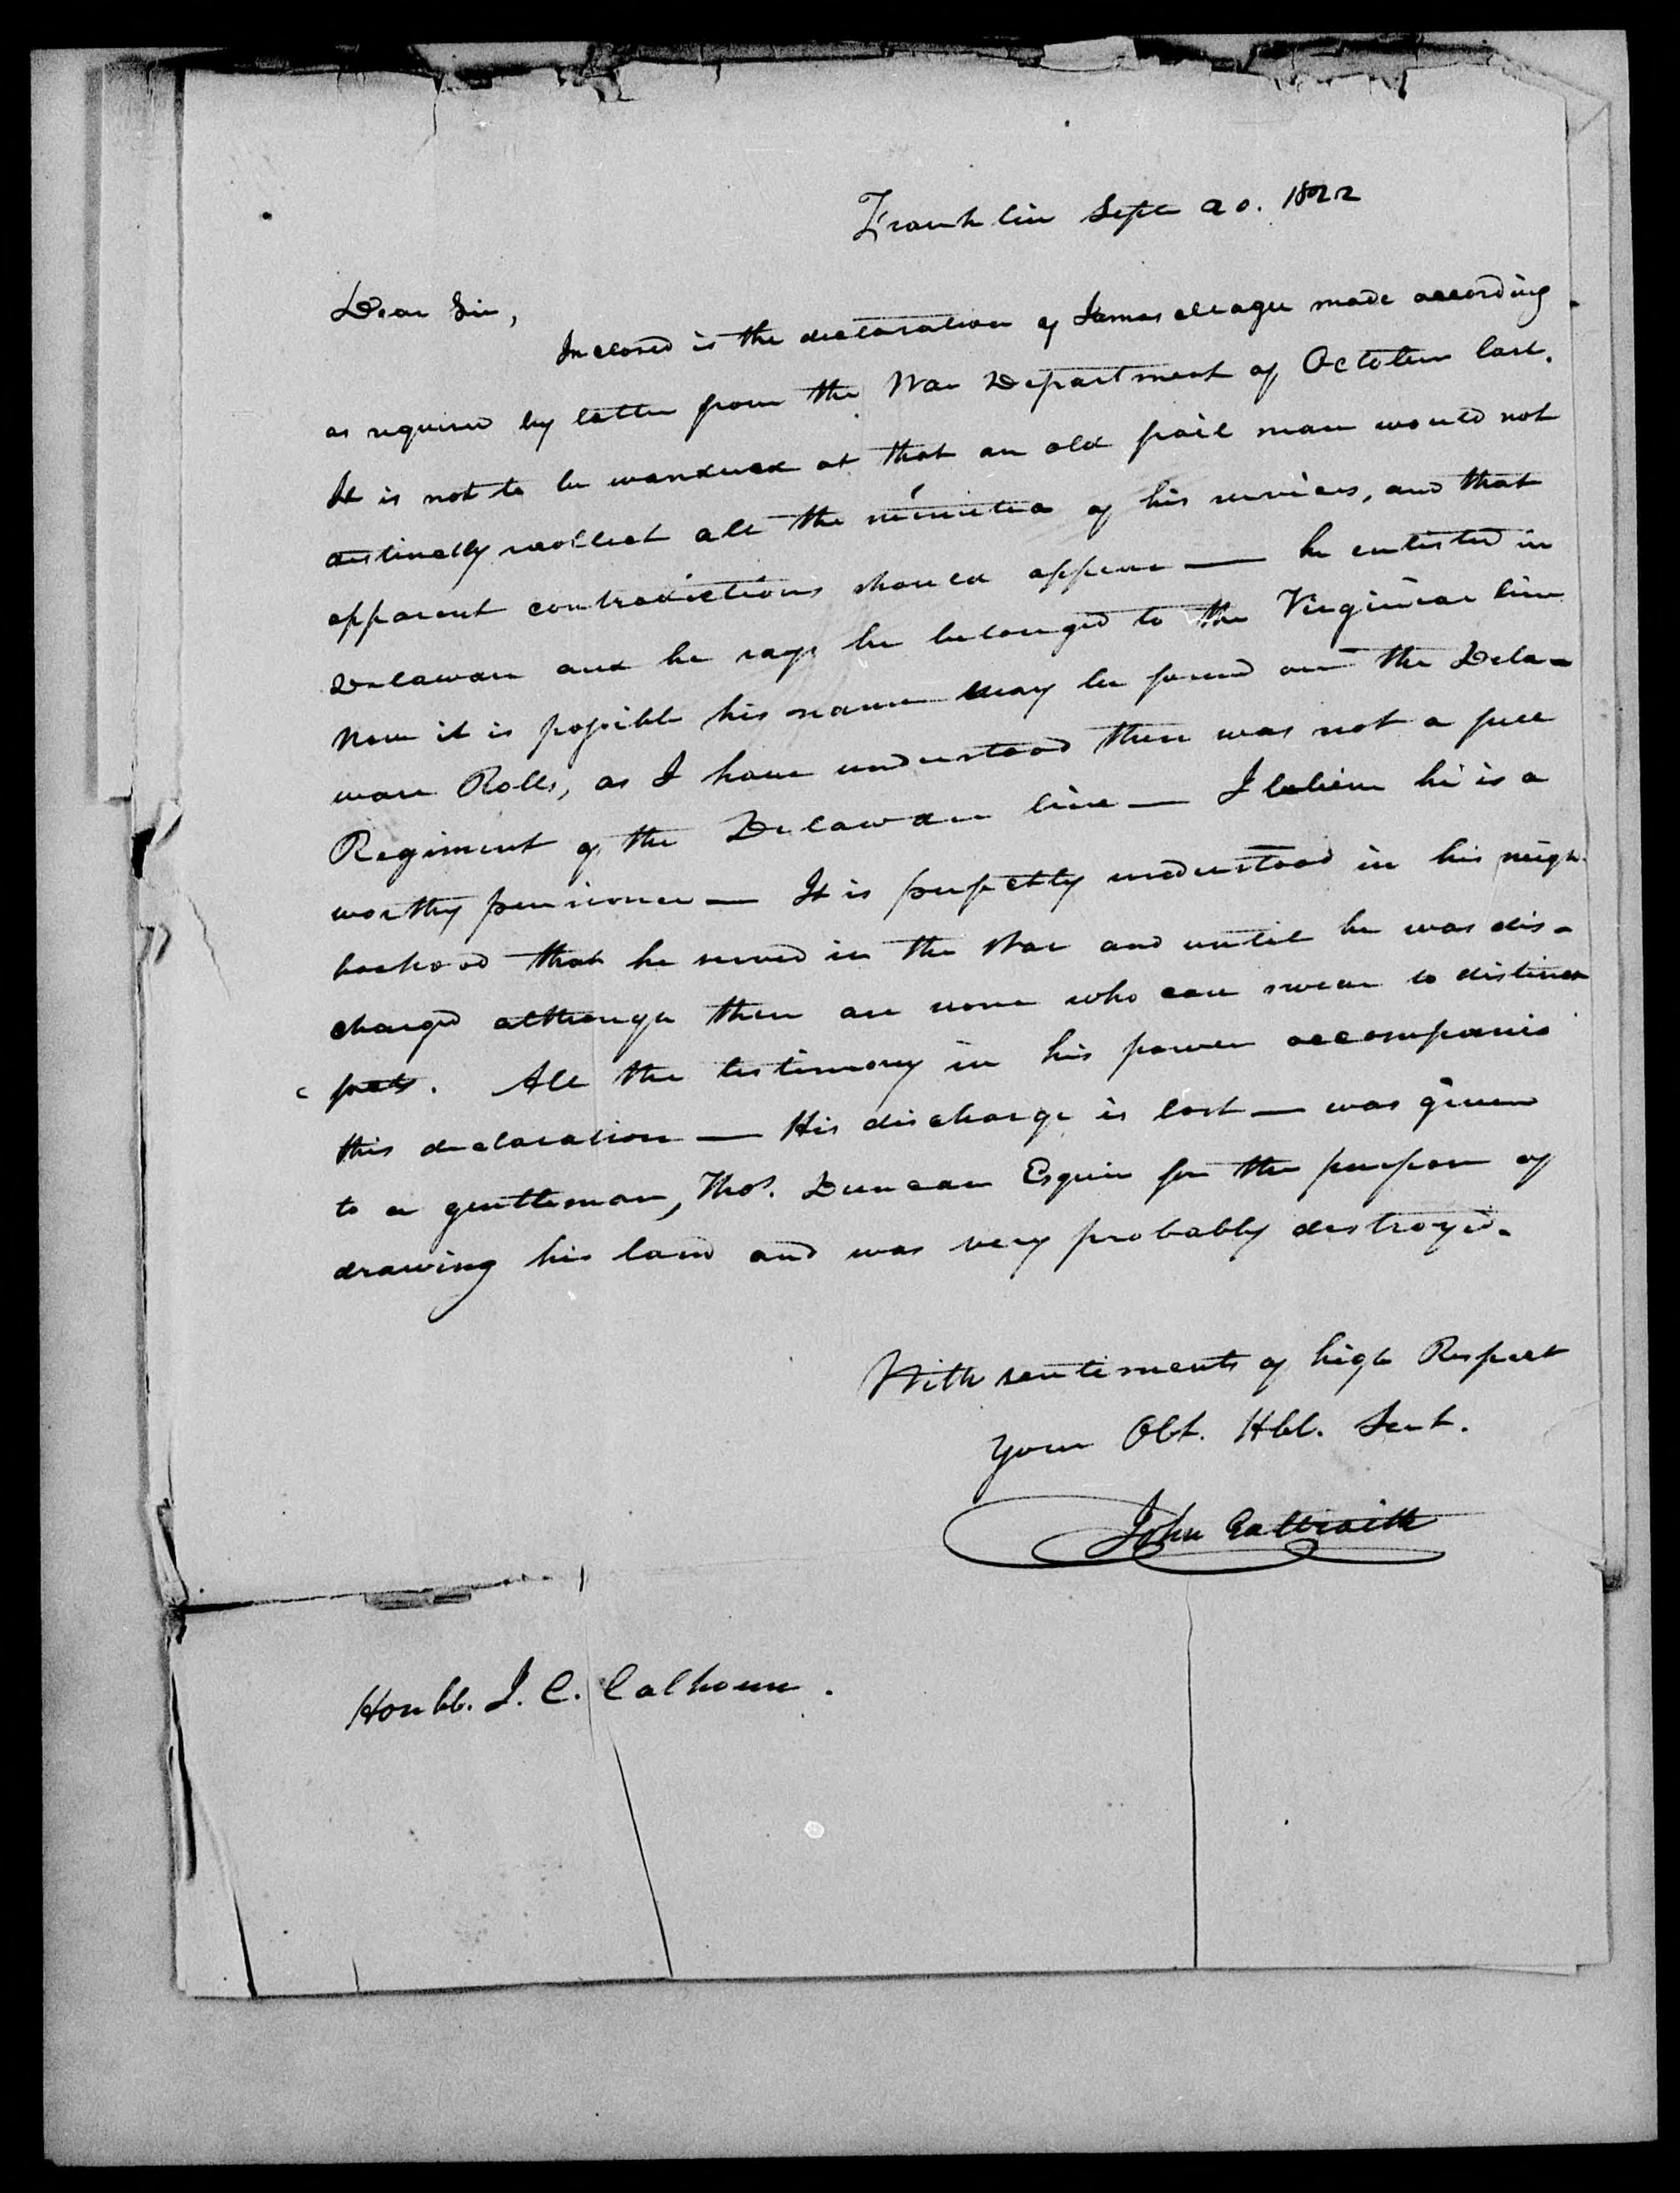Franklin 
Sept AD 1822 
Dear sir,
Inclosed the declaration of James Magee made according as requested by letter from the War Department of October last, It is not to be wondered at that an old frail man would not continually recollect all the minutia of his services, and that apparent contradictions should appear. he enlisted in Delaware and he says he belonged to the Virginia line now it is possible his name may be found on the Delaware Roll, as I have understood there was not a full Regiment of the Delaware line-- I believe he is a with pensioner. It is perfectly understood in his neighborhood that he served in the War and until he was dis charged although there are none who can swear to distant facts. All the testimony in his power accompanies this declaration. His discharge is lost - was given to a gentleman, That Duncan Esquire for the purpose of drawing his land and was very probably destroyed. 
With sentiments of high respect y
your Obt. Hbl. Servt.
John Galbraith
Honble. J.C. Calhoun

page: 39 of 77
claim: widow's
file: W 2954, for James Mc Gee, Delaware